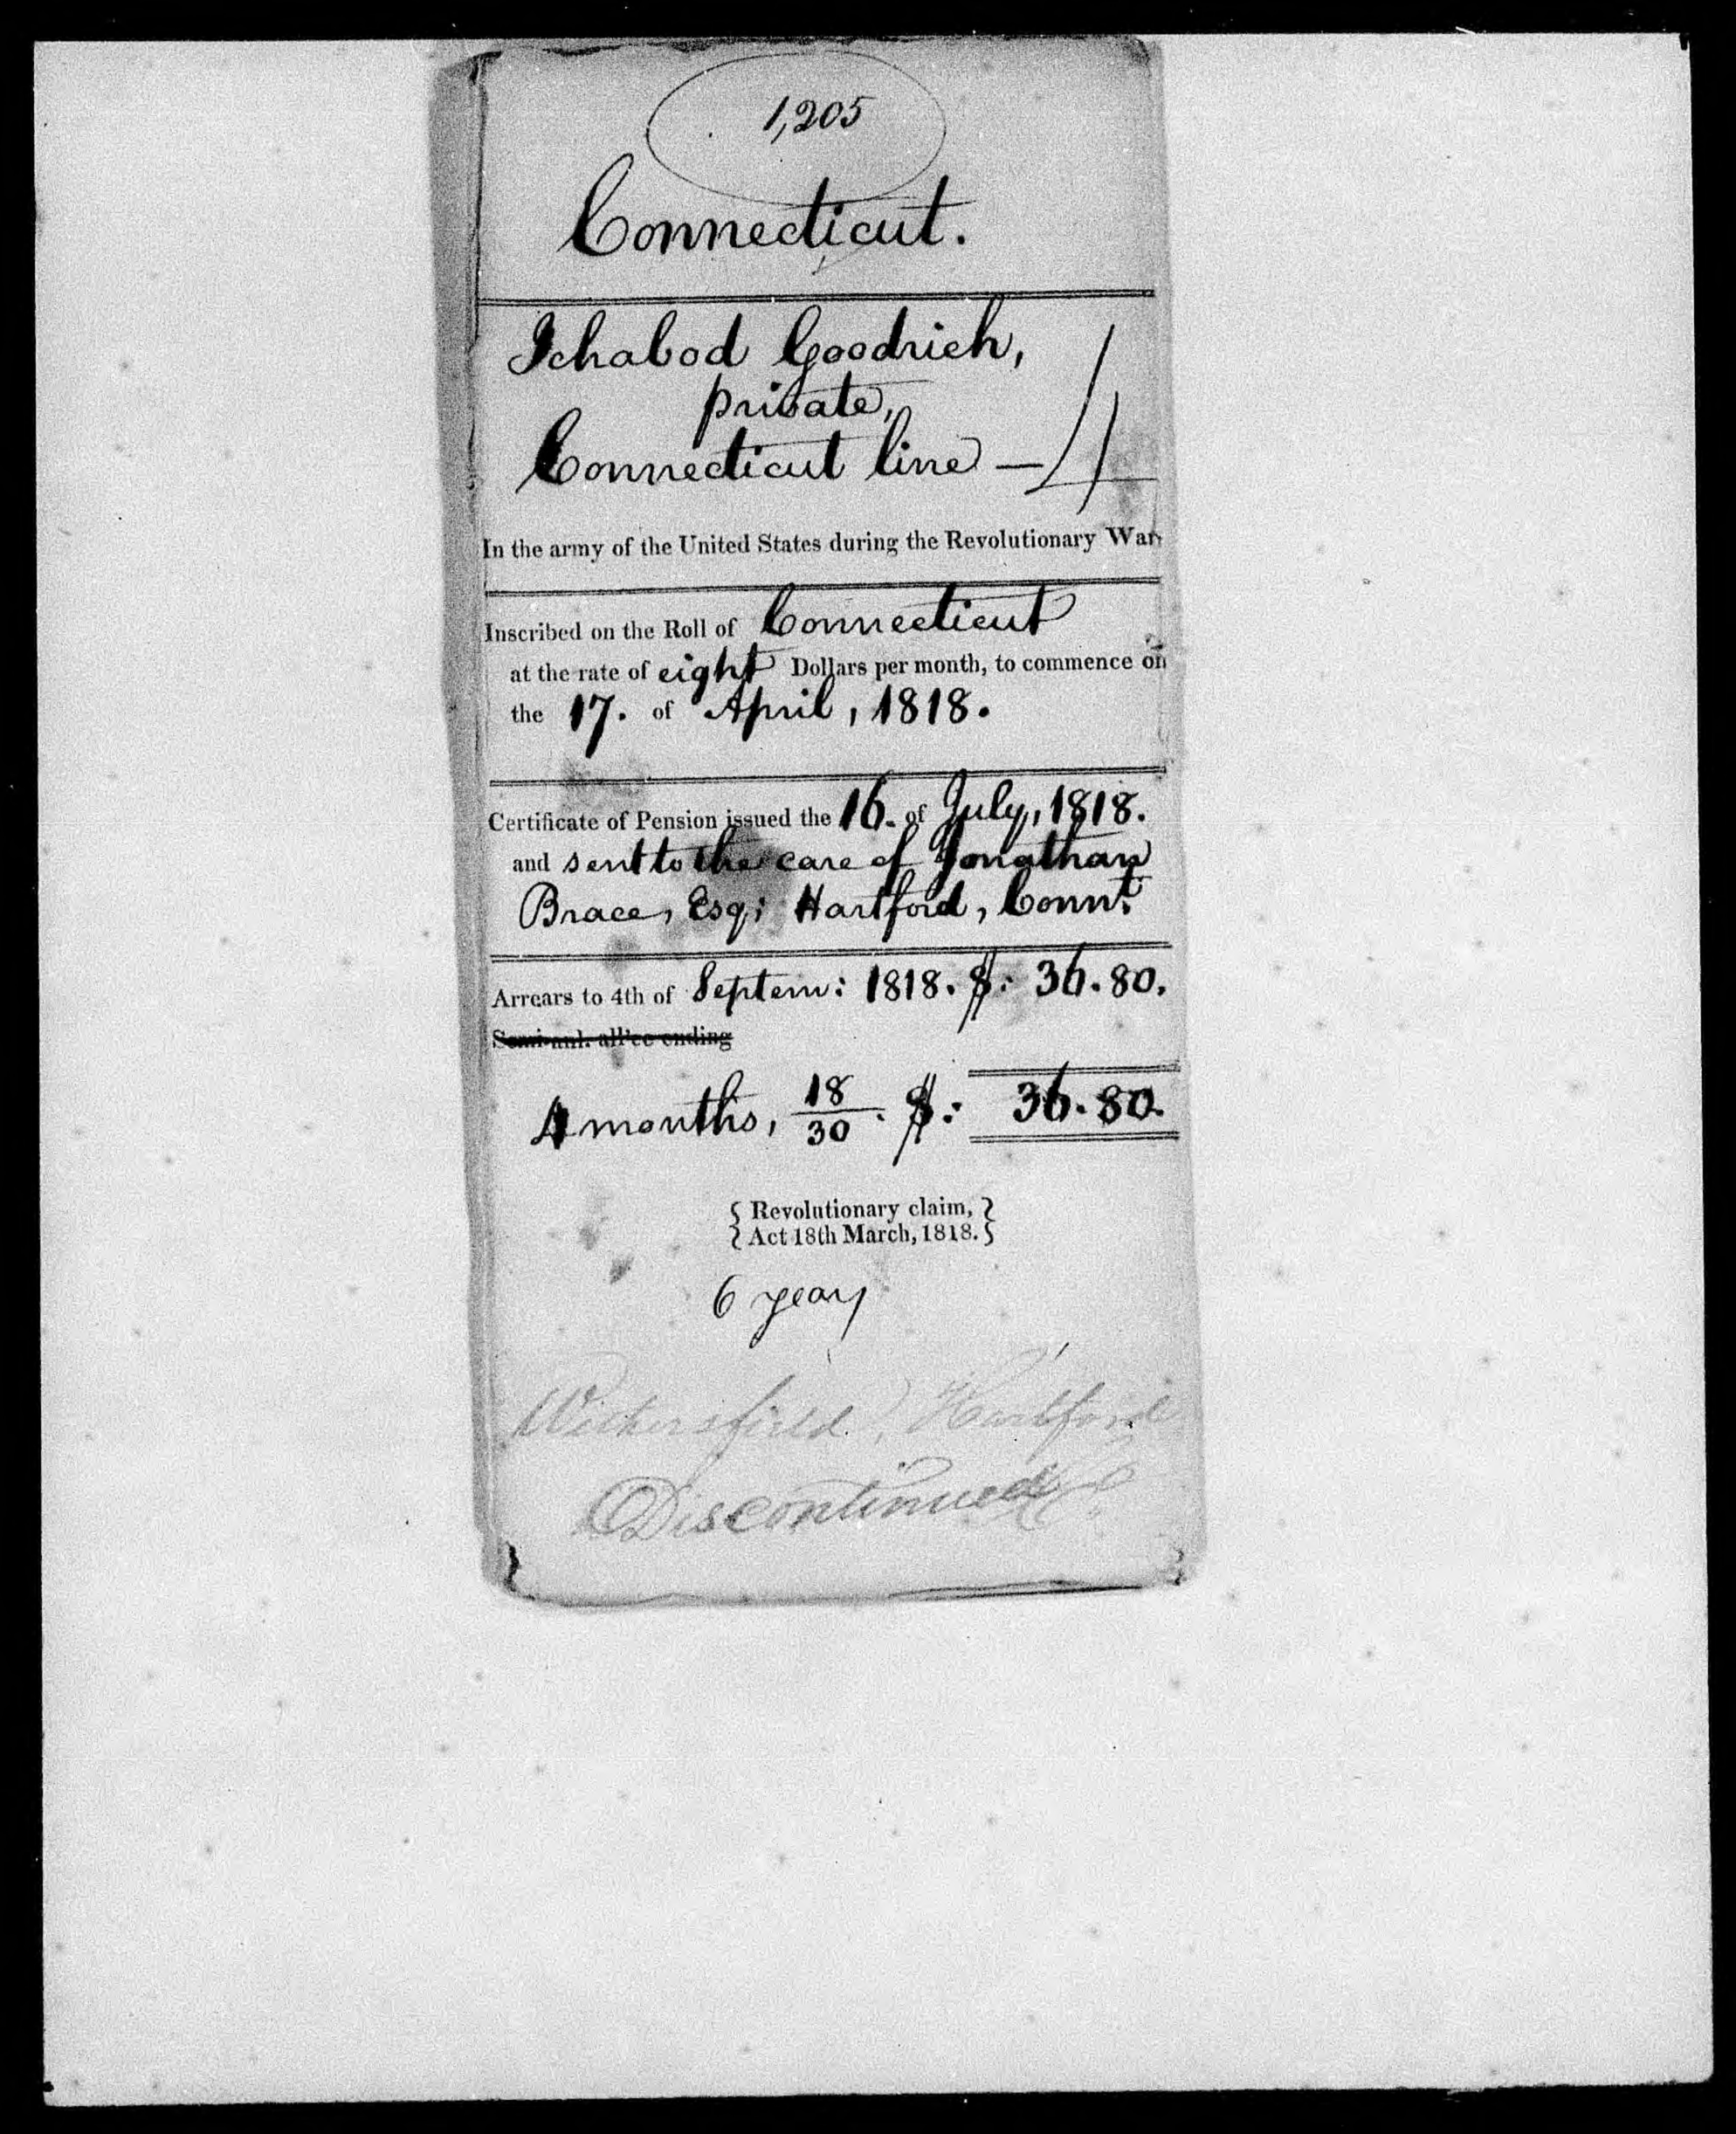1,205
Connecticut

Ichabod Goodrich,
private,
Connecticut line - 4

In the army of the United States during the Revolutionary War

Inscribed on the Roll of Connecticut at the rate of eight Dollars per month, to commence on the 17. of April, 1818.

Certificate of Pension issued the 16. of July, 1818. and sent to the care of Jonathan Brace, Esq; Hartford, Connt.

Arrears to 4th of September; 1818. $:36.80

4 months, 18/30. $:36.80

Revolutionary claim,
Act 18th March, 1818.
6 years
Wethersfield, Hartford
Discontinued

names: Ichabod Goodrich, Jonathan Brace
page: 19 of 46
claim: survivor's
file: S. 36,556, Ichabod Goodrich, Conn.